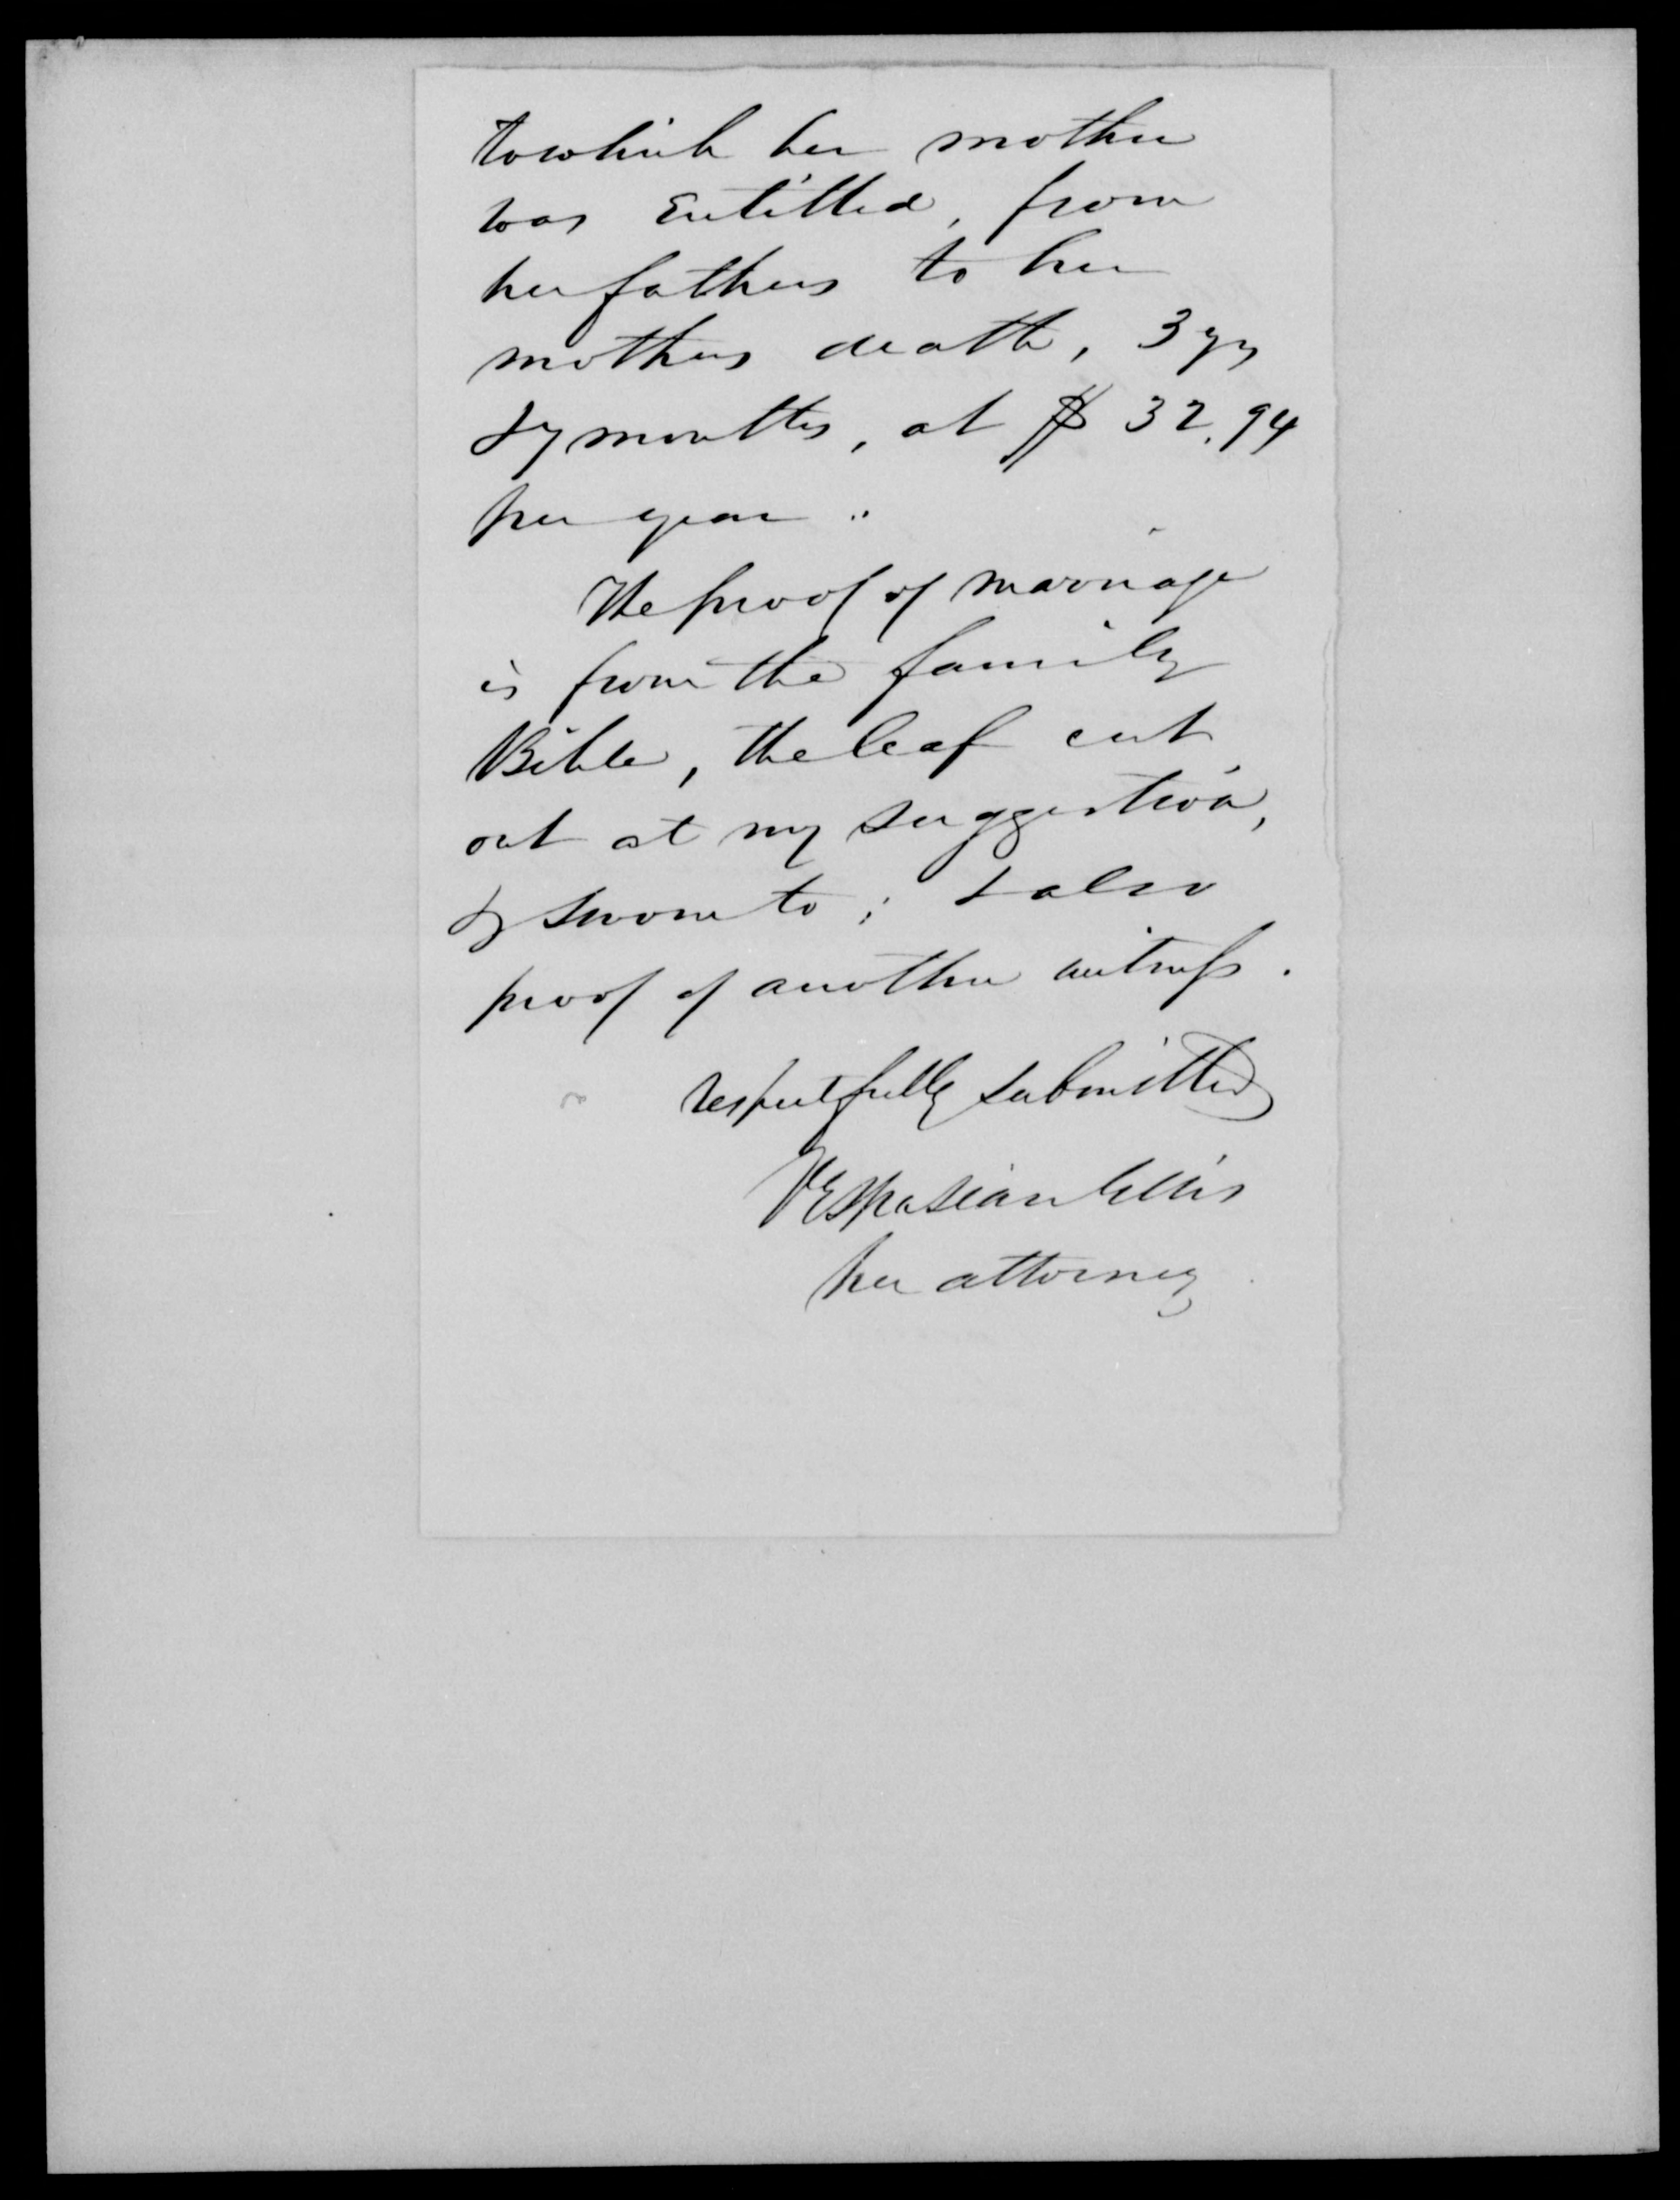to which her mother was entitled from her fathers to her mothers death, 3 yrs payments at $32.94 per year.

The proof of marriage is from the family Bible, the leaf cut out at my suggestion, sworn to; taken proof of another witness.

Respectfully submitted
Vespasian Ellis
her attorney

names: Vespasian Ellis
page: 24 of 27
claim: rejected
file: R. 9,892, for Henry Snell, New Jersey